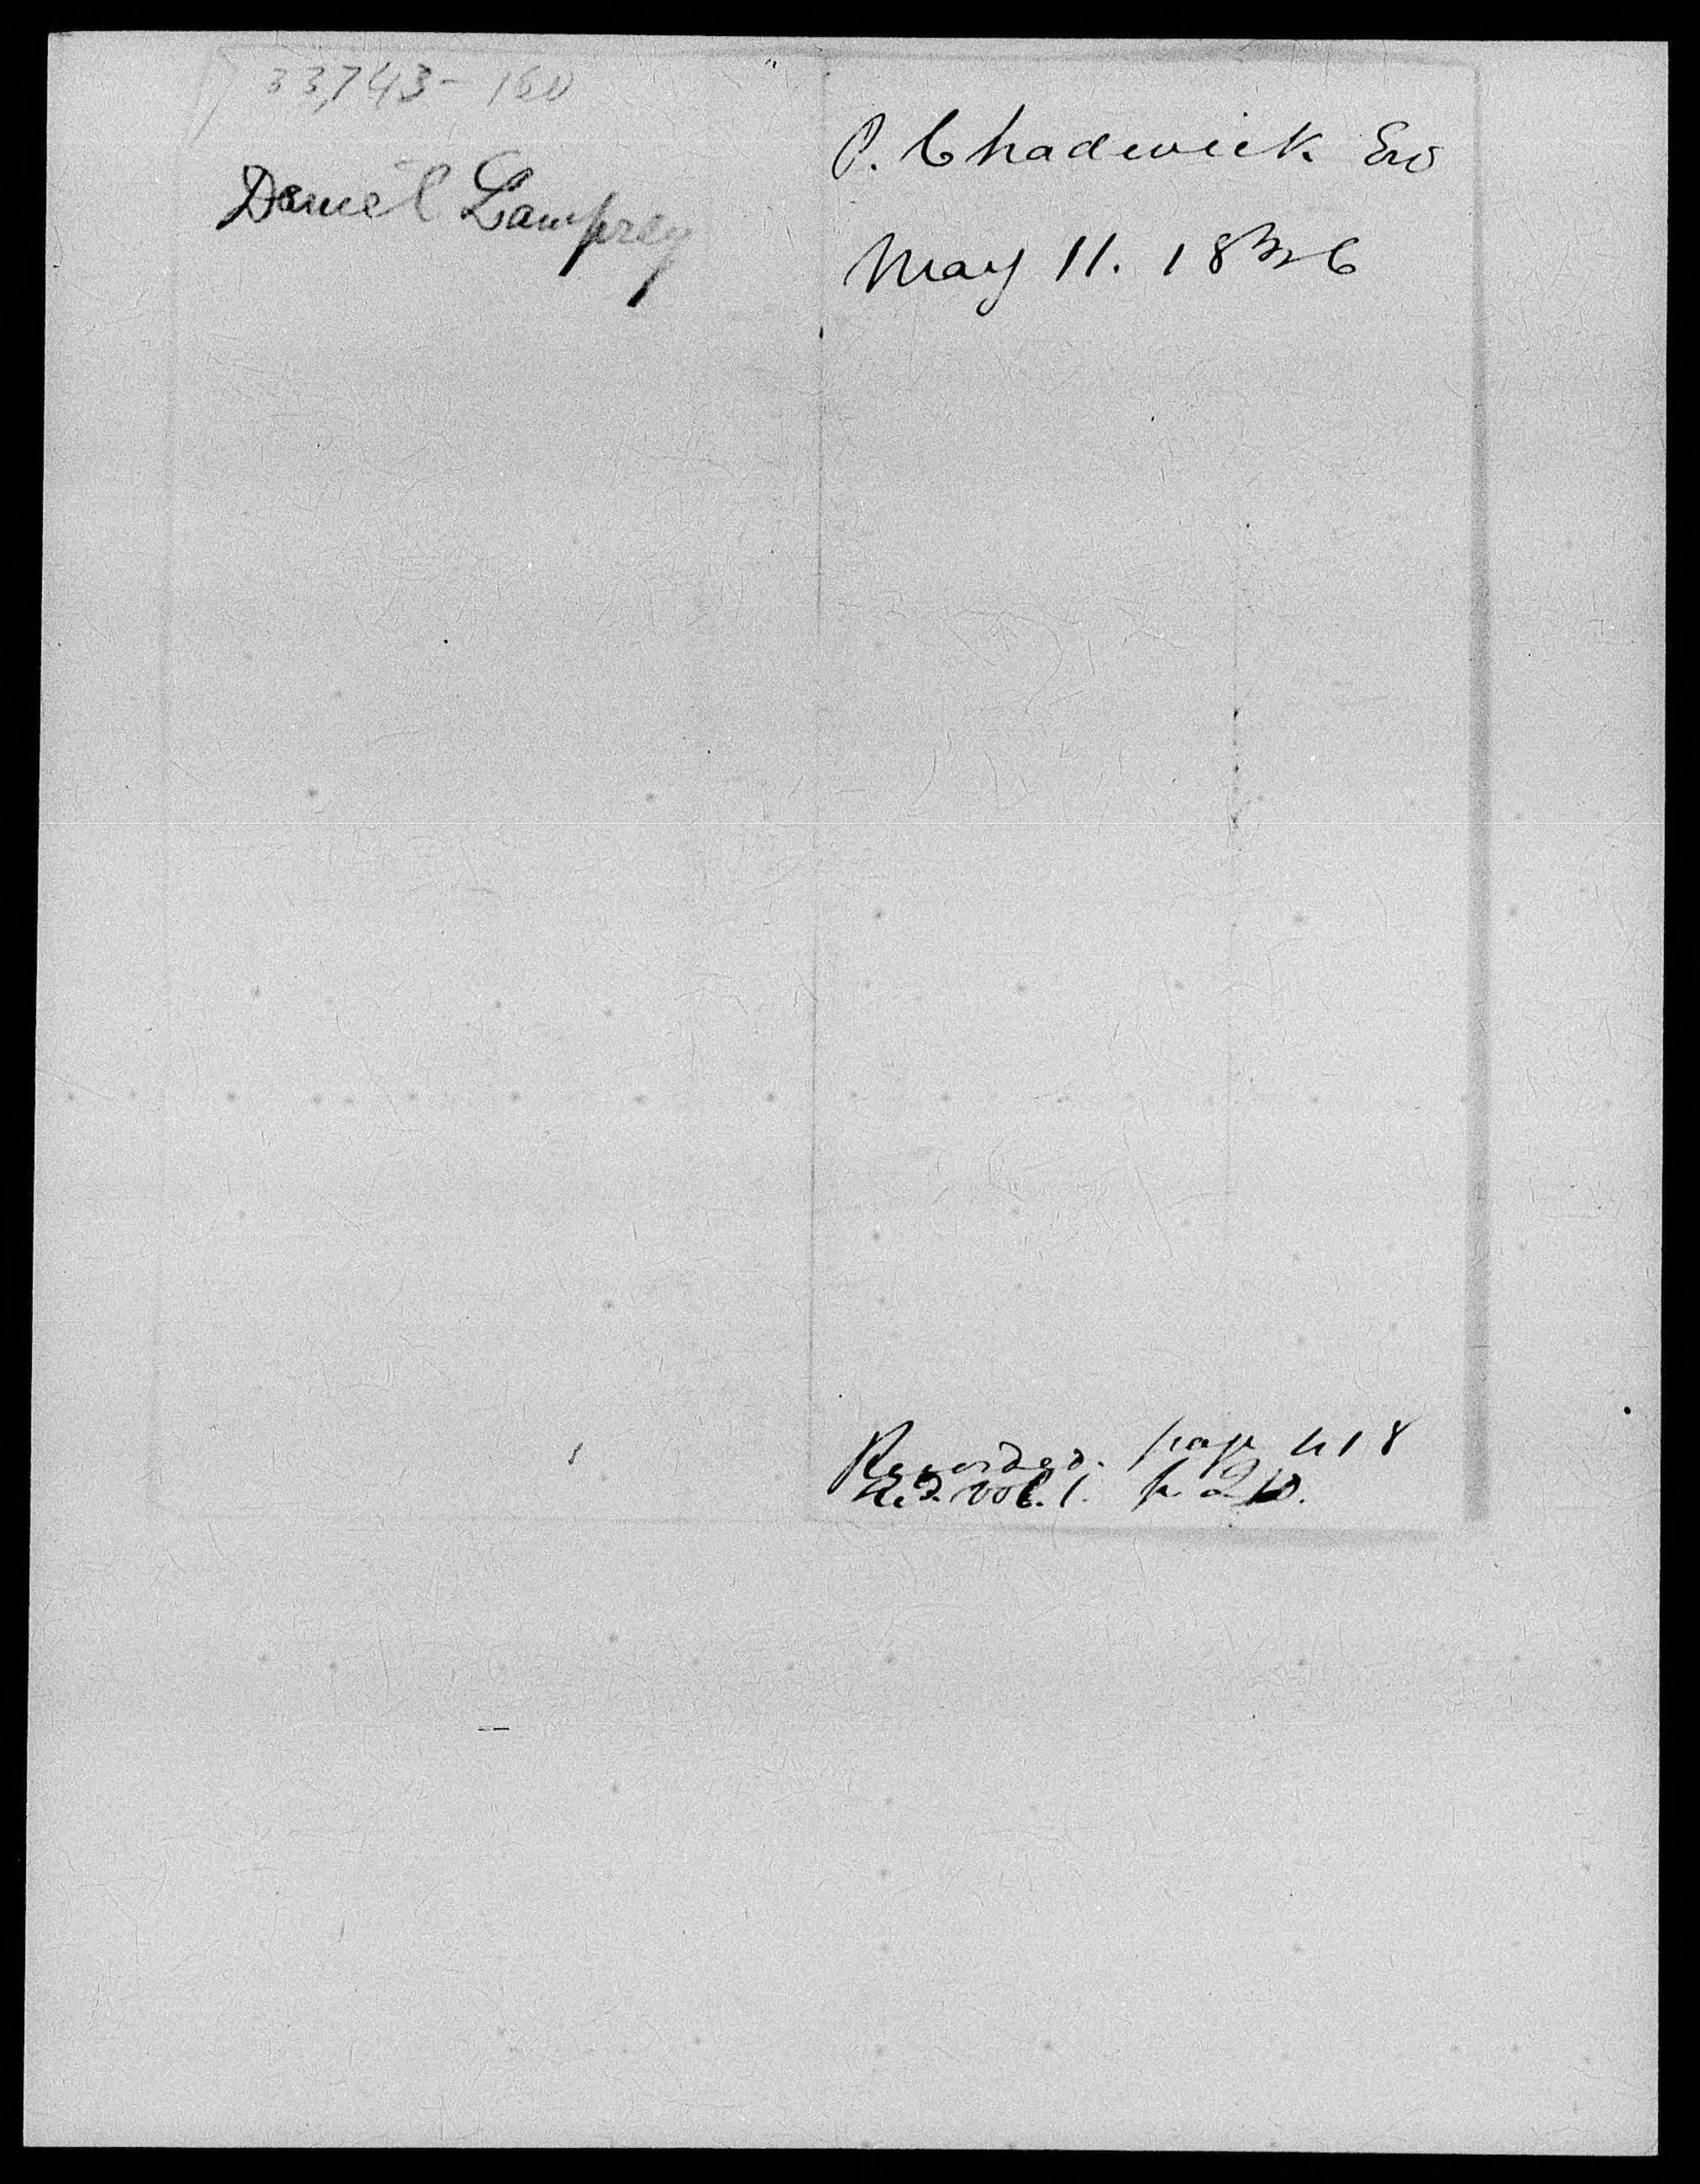33,743- 160
Daniel Lamprey

P. Chadwick Esq [ESQUIRE]
May 11. 1836

Recorded page 418 
Ref Vol. 1. page 210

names: Daniel Lamprey; P Chadwick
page: 19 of 53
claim: widow's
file: W. 492, for Daniel Lamprey, New Hampshire